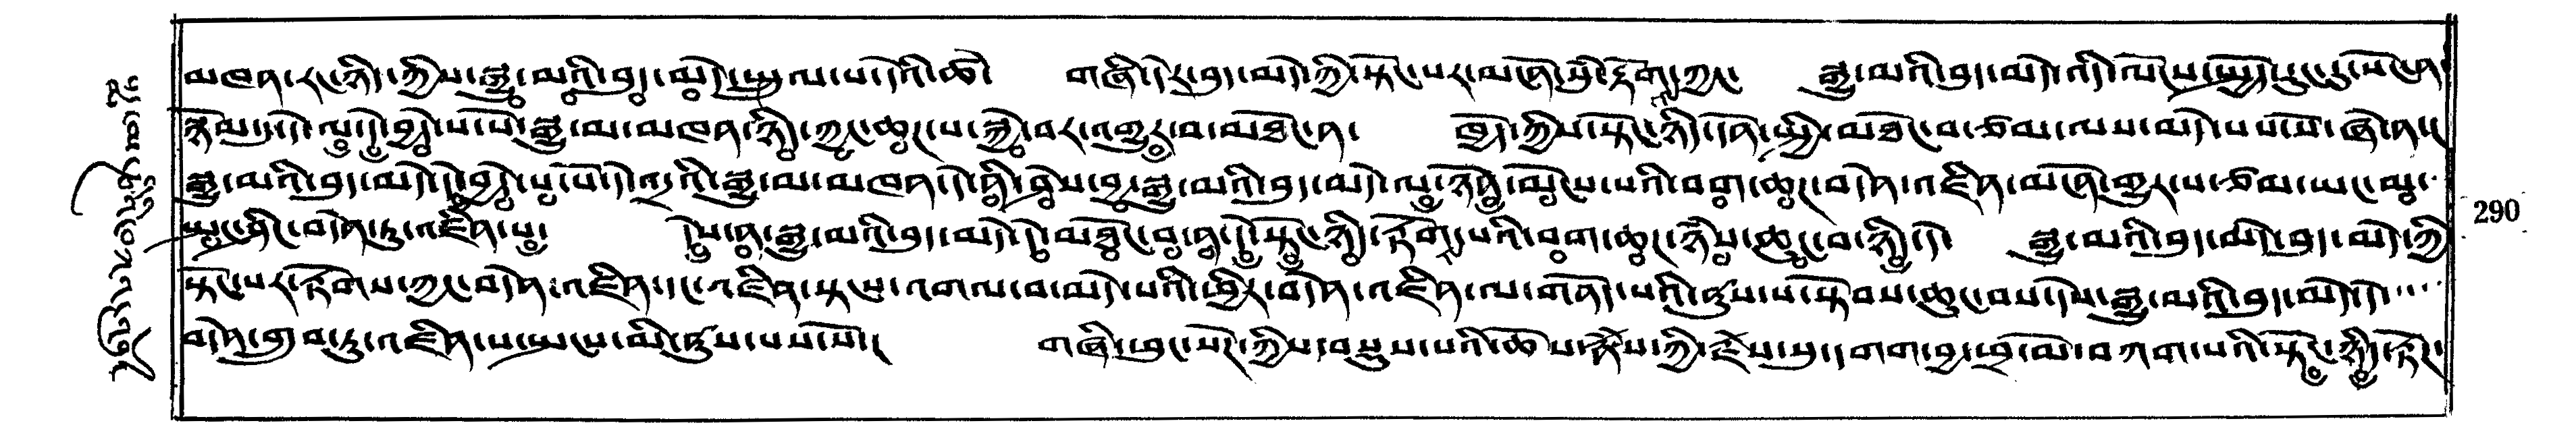མཁན་རང་ཉིད་ཀྱིས་སྒྱུ་མའི་བུད་མེད་སྤྲུལ་པ་དེའི་ཚེ། གཞི་དེར་བུད་མེད་ཀྱི་སྟོངས་པར་མངོན་སུམ་རྟོགས་ཀྱང་། སྒྱུ་མའི་བུད་མེད་འདི་ལོངས་སྤྱོད་རུང་དུ་སོང་ན་
སྙམ་དུ་དེ་ལ་དེ་བྱེད་པ་པོ་སྒྱུ་མ་མཁན་ཉིད་ཀྱང་ཆགས་པ་སྐྱེ་བར་འགྱུར་བ་མཐོང་ན། ཁྱོད་ཀྱིས་སྟོང་ཉིད་དོན་སྤྱི་མཐོང་བ་ཙམ་ལས་མེད་པས་སོ་ཞེ་ན། 
སྒྱུ་མའི་བུད་མེད་དེ་བྱེད་པ་པོ་དེ་འདྲའི་སྒྱུ་མ་མཁན་དེ་ནི་ཤེས་བྱ་སྒྱུ་མའི་བུད་མེད་ལ་ཉོན་མོངས་པའི་བག་ཆགས་བདེན་འཛིན་མངོན་གྱུར་པ་ཙམ་ཡང་མ་
སྤངས་ཤིང་བདེན་ཏུ་འཛིན་པ།དེས་ན་སྒྱུ་མའི་བུད་མེད་དེ་མཐོང་བ་ན་དེ་སྟོང་ཉིད་རྟོགས་པའི་བག་ཆགས་ཉམས་ཆུང་བ་ཉིད་དེ། སྒྱུ་མའི་བུད་མེད་བུད་མེད་ཀྱི་
སྟོང་པར་རྟོགས་ཀྱང་བདེན་འཛིན་དང་འཛིན་སྟངས་འགལ་བ་མེད་པའི་ཕྱིར་བདེན་འཛིན་ལ་གནོད་པའི་ནུས་པ་སྟོབས་ཆུང་བས་དེས་སྒྱུ་མའི་བུད་མེད་དེ་
བདེན་གྲུབ་ཏུ་འཛིན་པ་སྤངས་མི་ནུས་པས་སོ།། གཞི་ཕུང་སོགས་ཀྱིས་བསྡུས་པའི་ཆོས་རྣམས་ཀྱི་རྗེས་སུ་དགག་བྱ་ཕྲ་མོ་བཀག་པའི་སྟོང་ཉིད་རྟོགས་